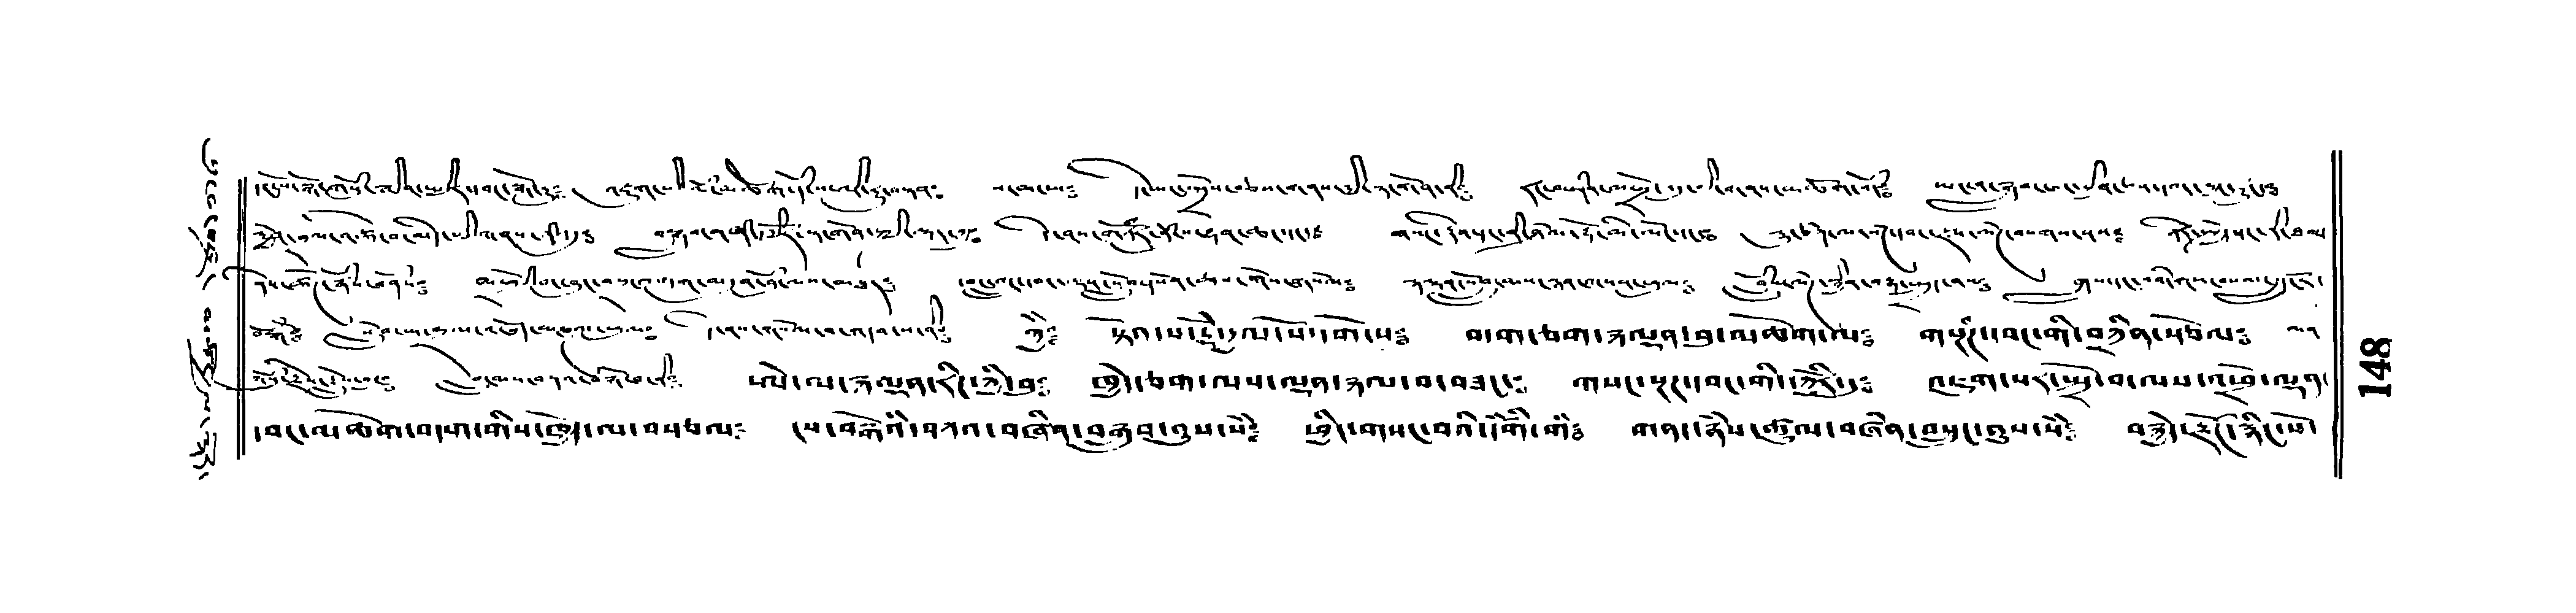དང་པོ་སྒོ་གསུམ་སྨིན་ཕྱིར་དབང་སྒོ་རུ༔ འཇུག་པའི་ལམ་མཆོག་དམ་པ་འདི་རུ་བསྟན༔ ས་མ་ཡ༔ དེ་ཡང་སྤྲོས་བཅས་གནས་ཀྱི་སྟ་གོན་ནི༔ རང་བཞིན་མཁའ་འགྲོ་འདུ་བའི་གནས་མཆོག་གམ༔ ཡང་ན་སྒྲུབ་ཁང་བྱིན་ཅན་དག་ཀྱང་རུང༔ 
རྐྱེན་བྲལ་འཚེ་བ་མེད་པའི་གནས་ཉིད་དུ༔ བསྒྲུབ་གཞི་དཀྱིལ་འཁོར་སྟ་གོན་སྤྱི་ལྟར་བྱ༔དེ་ནས་གཏོར་མ་བུམ་པ་བྷན་ཆང་དང༔ གསང་རྟེན་དང་ནི་ཤེལ་རྡོ་མེ་ལོང་དང༔ སྐུ་ཙཀ་ལ་སོགས་དབང་རྫས་ལེགས་བསགས་ནས༔ ཉེར་སྤྱོད་དང་ནི་ཐབས་
ཤེས་ཚོགས་རྣམས་བཤམས༔ མཁའ་འགྲོའི་གཞུང་བསྲངས་བདག་མདུན་བུམ་ལས་མཐར༔ དབང་བླང་དབང་ལྡན་སློབ་དཔོན་ཆས་གོས་གསོལ༔ སྐལ་ལྡན་སློབ་མས་སྙན་གསན་ཕུལ༔ བླ་མས་ལེགས་སྦྱིན་བརྡ་སྤྲད་ནས༔ ཁྲུས་དང་བགེགས་བསལ་སྲུང་འཁོར་
བསྒོམ༔ སློབ་མ་གྲལ་འཁོད་མཎྜལ་ཕུལ༔ དེ་ནས་གསོལ་བ་གདབ་པ་ནི༔ ཀྱཻ༔ སྟོན་པ་རྡོ་རྗེ་རྒྱལ་པོ་དགོངས༔ བདག་ཅག་སྐལ་ལྡན་བུ་མཆོག་ལ༔ གསང་སྔགས་དབང་གི་བཀའ་དྲིན་སྩོལ༔ ལན་
གསུམ་རྗེས་ཟློས་བྱ༔ བླ་མས་བཀའ་བསྒོ་བ་ནི༔ ཨེ་མ་སྐལ་ལྡན་རིགས་ཀྱི་བུ༔ ཁྱེད་ཅག་ལས་ལྡན་སྐལ་བ་བཟང༔ གསང་སྔགས་དབང་གི་དཀྱིལ་འཁོར་དུ༔ འཇུག་པར་སྤྲོ་བ་ལས་འཕྲོ་ལྡན༔ 
དབང་མཆོག་བདག་གིས་ཁྱོད་ལ་སྩལ༔ ངས་བསྒོའི་བཀའ་བཞིན་བསྒྲུབ་ནུས་སམ༔ ཕྱི་ནང་གསང་བའི་དམ་ཚིག་གི༔ གནད་རྣམས་ཚུལ་བཞིན་བསྲུང་ནུས་སམ༔ བསྐྱེད་རྫོགས་སྙིང་པོ་